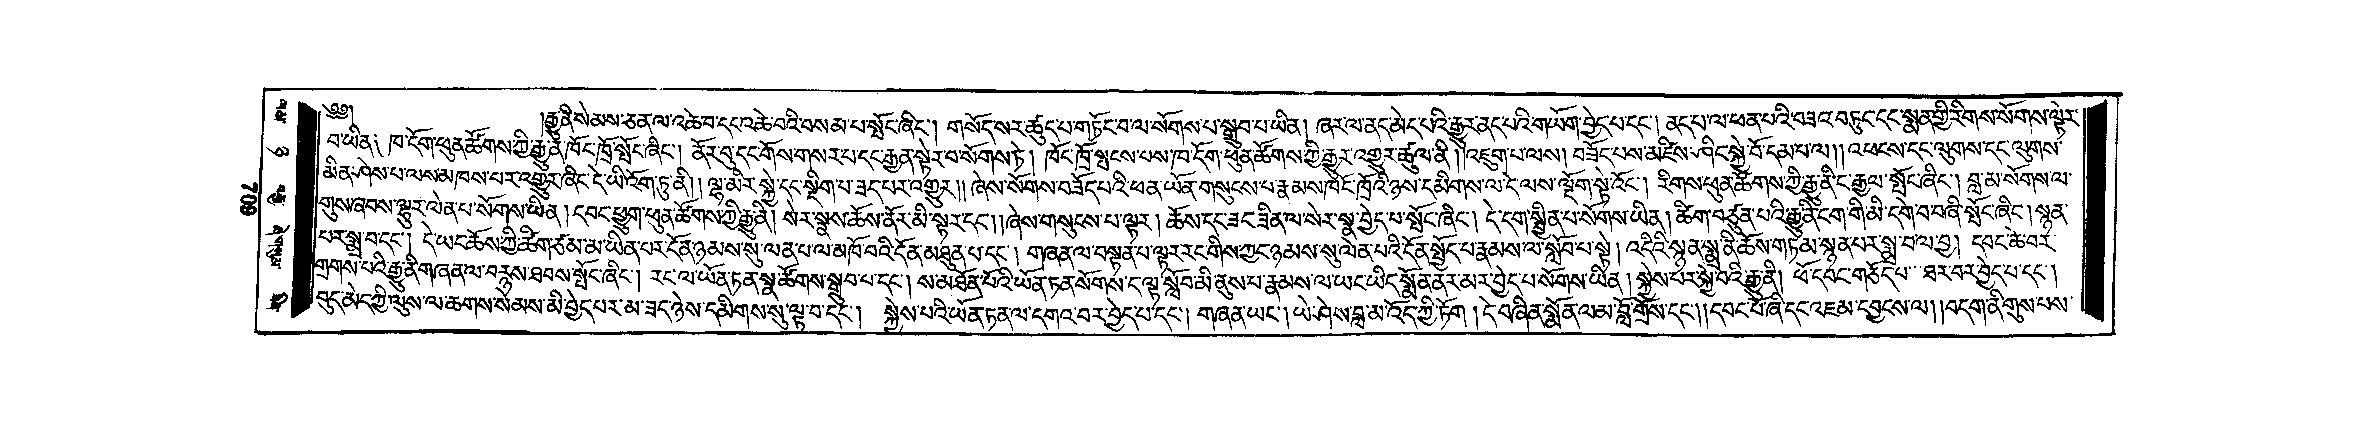༄༅། །རྒྱུ་ནི་སེམས་ཅན་ལ་འཆེ་བ་དང་འཆེ་བའི་བསམ་པ་སྤོང་ཞིང་། གསོད་སར་ཚུད་པ་གཏོང་བ་ལ་སོགས་པ་སྒྲུབ་པ་ཡིན། ཞར་ལ་ནད་མེད་པའི་རྒྱུར་ནད་པའི་གཡོག་བྱེད་པ་དང་། ནད་པ་ལ་ཕན་པའི་བཟའ་བཏུང་དང་སྨན་གྱི་རིགས་སོགས་ལྟེར་
བ་ཡིན། ཁ་དོག་ཕུན་ཚོགས་ཀྱི་རྒྱུ་ནི་ཁོང་ཁྲོ་སྤོང་ཞིང་། ནོར་བུ་དང་གོས་གསར་པ་དང་རྒྱན་སྟེར་བ་སོགས་ཏེ། ཁོང་ཁྲོ་སྤངས་པས་ཁ་དོག་ཕུན་ཚོགས་ཀྱི་རྒྱུར་འགྱུར་ཚུལ་ནི། །འཇུག་པ་ལས། བཟོད་པས་མཛེས་ཤིང་སྐྱེ་བོ་དམ་པ་ལ། །འཕངས་དང་ལུགས་དང་ལུགས་
མིན་ཤེས་པ་ལས་མཁས་པར་འགྱུར་ཞིང་དེ་ཡི་འོག་ཏུ་ནི། །ལྷ་མིར་སྐྱེ་དང་སྡིག་པ་ཟད་པར་འགྱུར། །ཞེས་སོགས་བཟོད་པའི་ཕན་ཡོན་གསུངས་པ་རྣམས་ཁོང་ཁྲོའི་ཉས་དམིགས་ལ་དེ་ལས་ལྡོག་སྟེ་འོང་། རིགས་ཕུན་ཚོགས་ཀྱི་རྒྱུ་ནི་ང་རྒྱལ་སྤོང་ཞིང་། བླ་མ་སོགས་ལ་
གུས་ཞབས་ལྷུར་ལེན་པ་སོགས་ཡིན། དབང་ཕྱུག་ཕུན་ཚོགས་ཀྱི་རྒྱུ་ནི། སེར་སྣས་ཆོས་ནོར་མི་སྟར་དང་། །ཞེས་གསུངས་པ་ལྟར། ཆོས་དང་ཟང་ཟིན་ལ་སེར་སྣ་བྱེད་པ་སྤོང་ཞིང་། དེ་དག་སྦྱིན་པ་སོགས་ཡིན། ཚིག་བཙུན་པའི་རྒྱུ་ནི་ངག་གི་མི་དགེ་བ་བཞི་སྤོང་ཞིང་། སྙན་
པར་སྨྲ་བ་དང་། དེ་ཡང་ཆོས་ཀྱི་ཚིག་ཙམ་མ་ཡིན་པར་དོན་ཉམས་སུ་ལན་པ་ལ་མཁོ་བའི་དོན་མཐུན་པ་དང་། གཞན་ལ་བསྟན་པ་ལྟར་རང་གིས་ཀྱང་ཉམས་སུ་ལེན་པའི་དོན་སྤྱོད་པ་རྣམས་ལ་སློབ་པ་སྟེ། འདིའི་སྙན་སྨྲ་ནི་ཆོས་གཏམ་སྙན་པར་སྨྲ་ལ་བྱ། དབང་ཆེ་བར་
གྲགས་པའི་རྒྱུ་ནི་གཞན་ལ་བརྙས་ཐབས་སྤོང་ཞིང་། རང་ལ་ཡོན་ཏན་སྣ་ཚོགས་སྒྲུབ་པ་དང་། ས་མཐོན་པོའི་ཡོན་ཏན་སོགས་ད་ལྟར་སློབ་མི་ནུས་པ་རྣམས་ལ་ཡང་ཡིད་སྨོན་ནར་མར་བྱེད་པ་སོགས་ཡིན། སྐྱེས་པར་སྐྱེ་བའི་རྒྱུ་ནི། ཕོ་དབང་གཅོད་པ་ཐར་བར་བྱེད་པ་དང་།
བུད་མེད་ཀྱི་ལུས་ལ་ཆགས་སེམས་མི་བྱེད་པར་མ་ཟད་ཉེས་དམིགས་སུ་ལྟ་བ་དང་། སྐྱེས་པའི་ཡོན་ཏན་ལ་དགའ་བར་བྱེད་པ་དང་། གཞན་ཡང་། ཡེ་ཤེས་བླ་མ་འོད་ཀྱི་ཏོག །དེ་བཞིན་སྨོན་ལམ་བློ་གྲོས་དང་། །དབང་པོ་ཞི་དང་འཇམ་དབྱངས་ལ། །བདག་ནི་གུས་པས་